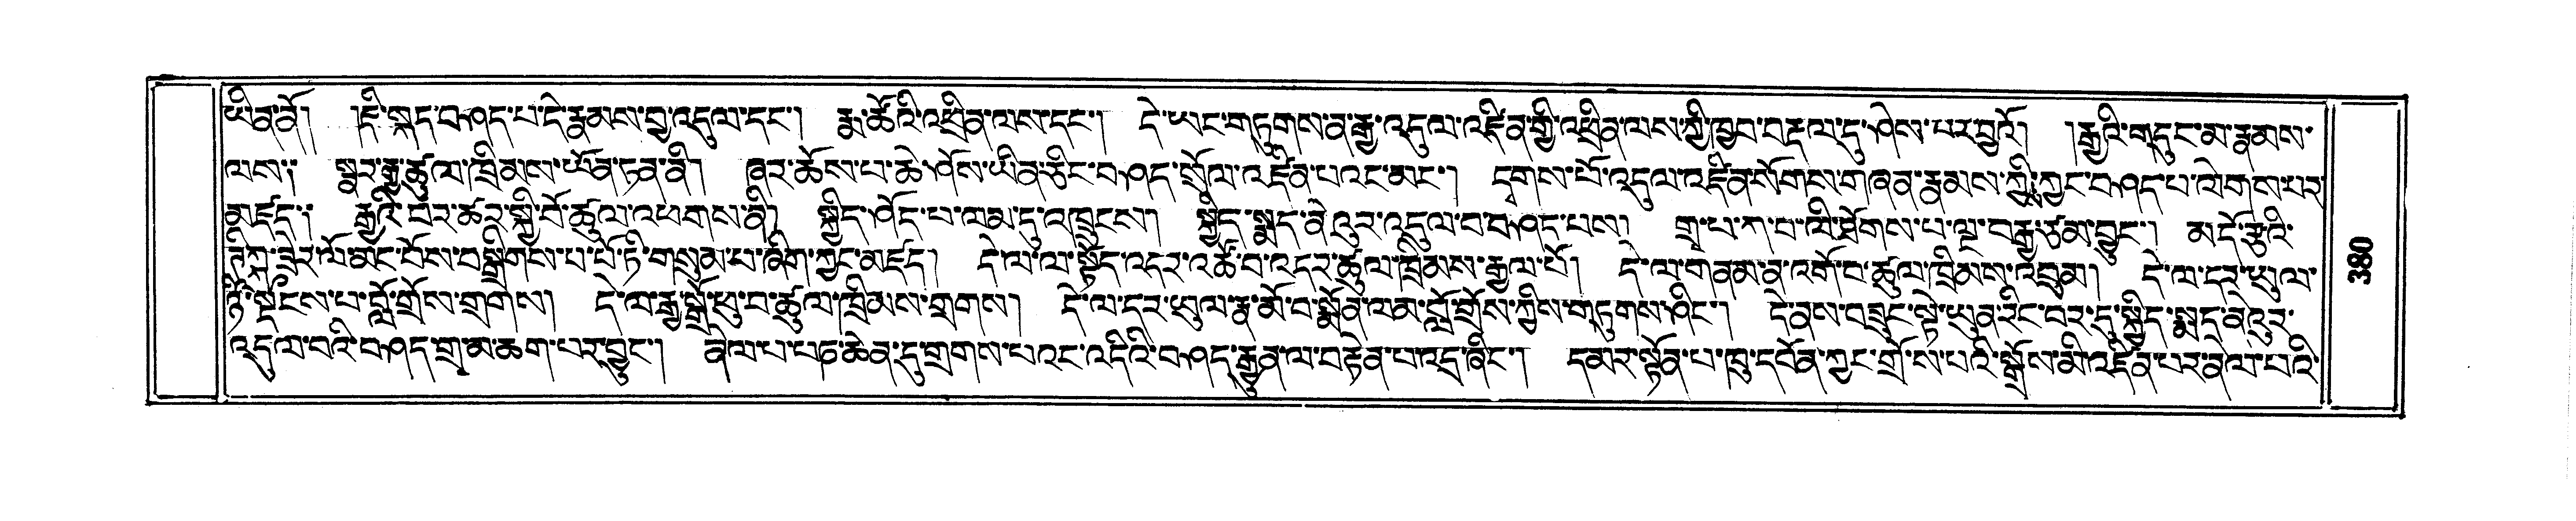ཡིན་ནོ། །ཇི་སྐད་བཤད་པ་དེ་རྣམས་བྱ་འདུལ་དང་། རྨ་ཚོའི་འཕྲིན་ལས་དང་། དེ་ཡང་གཏུགས་ན་རྒྱ་འདུལ་འཛིན་གྱི་འཕྲིན་ལས་ཀྱི་ཁྱབ་བརྡལ་དུ་ཤེས་པར་བྱའོ། །རྒྱའི་གདུང་མ་རྣམས་
ལས༑ སྣར་རྒྱ་ཚུལ་ཁྲིམས་ཡོན་ཏན་ནི། ཞར་ཆོས་པ་ཆེ་ཤོས་ཡིན་ཅིང་བཤད་སྲོལ་འཛིན་པའང་མང་། དྭགས་པོ་འདུལ་འཛིན་སོགས་གཞན་རྣམས་ཀྱིས་ཀྱང་བཤད་པ་ལེགས་པར་
མཛད༑ རྒྱའི་བར་ཚར་སྐྱི་བོ་ཚུལ་འཕགས་ནི། སྐྱིད་ཤོད་པ་ལམ་དུ་འཁྲུངས། སྐྱིད་སྨད་ནེའུར་འདུལ་བ་བཤད་པས། གྲྭ་པ་ཀ་བ་ལི་ཐོགས་པ་ལྔ་བརྒྱ་ཙམ་བྱུང་། མདོ་རྩའི་
ཊཱིཀྐ་ཟེར་ལོ་མང་པོས་བསྒྲིགས་པ་པོ་ཏི་གསུམ་པ་ཞིག་ཀྱང་མཛད། དེ་ལ་ལ་སྟོད་འདར་འཚོ་བ་འདར་ཚུལ་ཁྲིམས་རྒྱལ་པོ། དེ་ལ་གནམ་ན་འགོ་བ་ཚུལ་ཁྲིམས་འབུམ། དེ་ལ་དར་ཡུལ་
ཉི་སྡྀངས་པ་བློ་གྲོས་གྲགས། དེ་ལ་རྒྱ་སྒྲོ་ཕུ་བ་ཚུལ་ཁྲིམས་གྲགས། དེ་ལ་དར་ཡུལ་རྣ་མོ་བ་སྨོན་ལམ་བློ་གྲོས་ཀྱིས་གཏུགས་ཤིང་། དེ་ནས་བཟུང་སྟེ་ཡུན་རིང་བར་དུ་སྐྱིད་སྨད་ནེའུར་
འདུལ་བའི་བཤད་གྲྭ་མ་ཆག་པར་བྱུང་། ནེལ་པ་པཎ་ཆེན་དུ་གྲགས་པའང་འདིའི་བཤད་རྒྱུན་ལ་བརྟེན་པ་འདྲ་ཞིང་། དམར་སྟོན་པ་ཁུ་དབོན་ཀྱང་གྲོས་པའི་སྒྲོས་མི་འཛིན་པར་ནེལ་པའི་